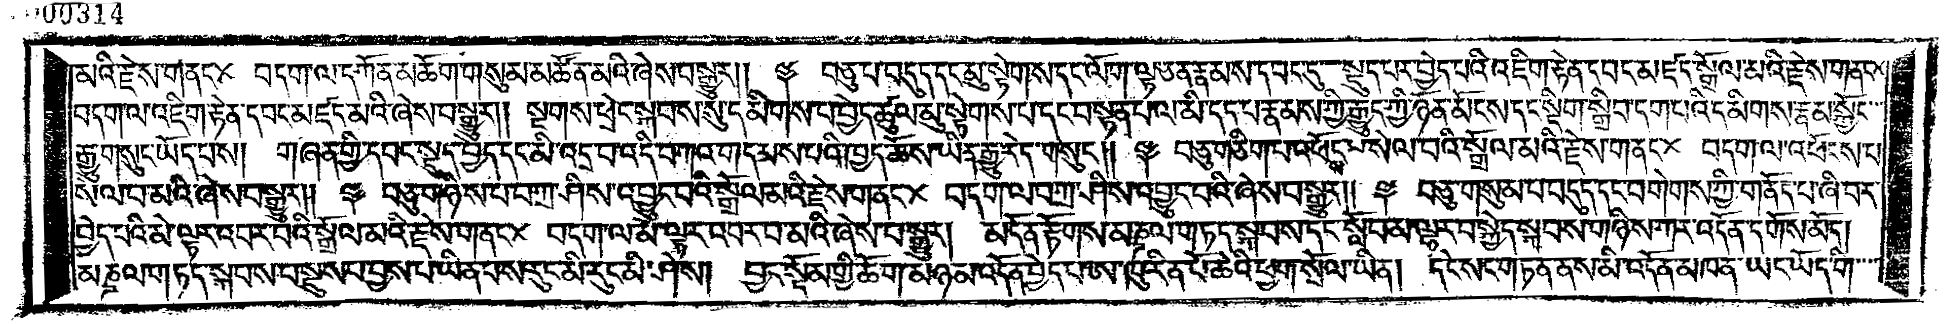མའི་རྗེས་གནང྾་བདག་ལ་དཀོན་མཆོག་གསུམ་མཚོན་མའི་ཞེས་བསྒྱུར།། ༈ བཅུ་པ་བདུད་དང་མུ་སྟེགས་དང་ལོག་ལྟ་ཅན་རྣམས་དབང་དུ་སྡུད་པར་བྱེད་པའི་འཇིག་རྟེན་དབང་མཛད་སྒྲོལ་མའི་རྗེས་གནང྾་
བདག་ལ་འཇིག་རྟེན་དབང་མཛད་མའི་ཞེས་བསྒྱུར། །སྔགས་ཕྲེང་སྐབས་སུ་དམིགས་པ་བྱེད་ཚུལ་མུ་སྟེགས་པ་དང་བསྟན་པ་ལ་མི་དད་པ་རྣམས་ཀྱི་རྒྱུད་ཀྱི་ཉོན་མོངས་དང་སྡིག་སྒྲིབ་དག་པའི་དམིགས་རྣམ་སྐྱོང་
རྒྱུ་གསུང་ཡོད་པས། གཞན་གྱི་དབང་སྡུད་བྱེད་དང་མི་འདྲ་བ་འདི་བཀའ་གདམས་པའི་ཁྱད་ཆོས་ཡིན་རྒྱུ་རེད་གསུང།། ༈ བཅུ་གཅིག་པ་འཕོངས་པ་སེལ་བའི་སྒྲོལ་མའི་རྗེས་གནང྾་བདག་ལ་འཕོངས་པ་
སེལ་བ་མའི་ཞེས་བསྒྱུར།། ༈ བཅུ་གཉིས་པ་བཀྲ་ཤིས་འབྱུང་བའི་སྒྲོལ་མའི་རྗེས་གནང྾་བདག་ལ་བཀྲ་ཤིས་འབྱུང་བའི་ཞེས་བསྒྱུར།། ༈ བཅུ་གསུམ་པ་བདུད་དང་བགེགས་ཀྱི་གནོད་པ་ཞི་བར་
བྱེད་པའི་མེ་ལྟར་འབར་བའི་སྒྲོལ་མའི་རྗེས་གནང྾་བདག་ལ་མེ་ལྟར་འབར་བ་མའི་ཞེས་བསྒྱུར། མངོན་རྟོགས་མཎྜལ་གཏད་སྐབས་དང་སློབ་མ་ལྷར་བསྐྱེད་སྐབས་གཉིས་ཀར་འདོན་དགོས་མོད།
མཎྜལ་གཏད་སྐབས་བསྡུས་པ་བྱས་པ་ཡིན་པས་རུང་མི་རུང་མི་ཤེས། བྱང་སྡོམ་གྱི་ཆོ་ག་མཉམ་འདོན་བྱེད་པ་ཨ་ཁུ་རིན་པོ་ཆེའི་ཕྱག་སྲོལ་ཡིན། དེང་སང་གཏན་ནས་མི་འདོན་མཁན་ཡང་ཡོད་གི་